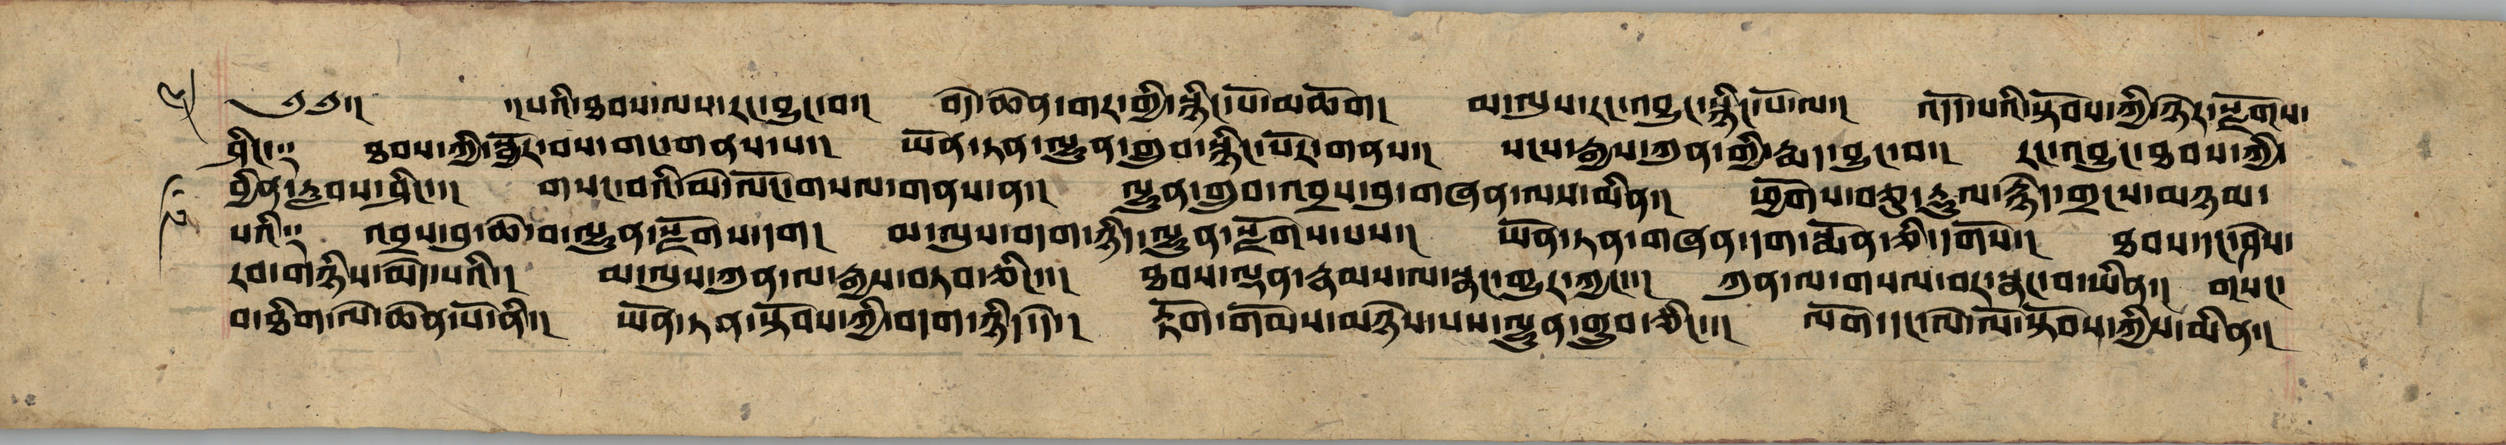༄༅་། ་།པའི་ཐབས་ལས་རང་བྱུང་བ་། བདེ་ཆེན་གར་གྱི་སྙིང་པོ་མཆོག། མ་ལུས་རང་འབྱུང་སྙིང་པོ་ལ་། འདོད་པའི་སྟོབས་ཀྱི་ཉེར་སྫོགས་
ཤིང༑ ཐབས་ཀྱི་སྦྱོར་བས་གང་གནས་པ་། ཡོན་ཏན་ལྷུན་གྲུབ་སྙིང་པོར་གནས་། སངས་རྒྱས་ཀུན་གྱི་རྨད་བྱུང་བ་། རང་འབྱུང་ཐབས་ཀྱི་
བྱིན་རླབས་ཤིང་་། གསང་བའི་མེ་ལོང་གསལ་གནས་ན་། ལྷུན་གྲུབ་འབྲས་བུ་གཞན་ལས་མིན་། ཕྱོགས་བཅུ་རྡུལ་རྙེད་གྲངས་མཉམ་
པའི༑ འབྲས་བུ་ཆེ་བ་ལྷུན་སྫོགས་དག། མ་ལུས་བདག་ཉིད་ལྷུན་སྫོགས་པས་། ཡོན་ཏན་གཞན་དག་སྨོན་ཅི་དགོས་། ཐབས་དང་ཤེས་
རབ་གཉིས་མེད་པའི་། མ་ལུས་ཀུན་ལ་རྒྱས་བཏབ་ཅིང་་། ཐབས་ལྡན་རྣམས་ལ་སྣང་གྱུར་ཀྱང་་། ཀུན་ལ་གསལ་བར་སྣང་བ་ཡིན་། གསང་
བ་ཐིག་ལེ་ཆེན་པོ་ནི་། ཡོན་ཏན་སྟོབས་ཀྱི་བདག་ཉིད་དེ་། རྟོག་གོམས་མཉེས་པས་ལྷུན་གྲུབ་ཅིང་་། ལོག་དང་ལེ་ལོ་སྟོབས་ཀྱིས་མིན་།